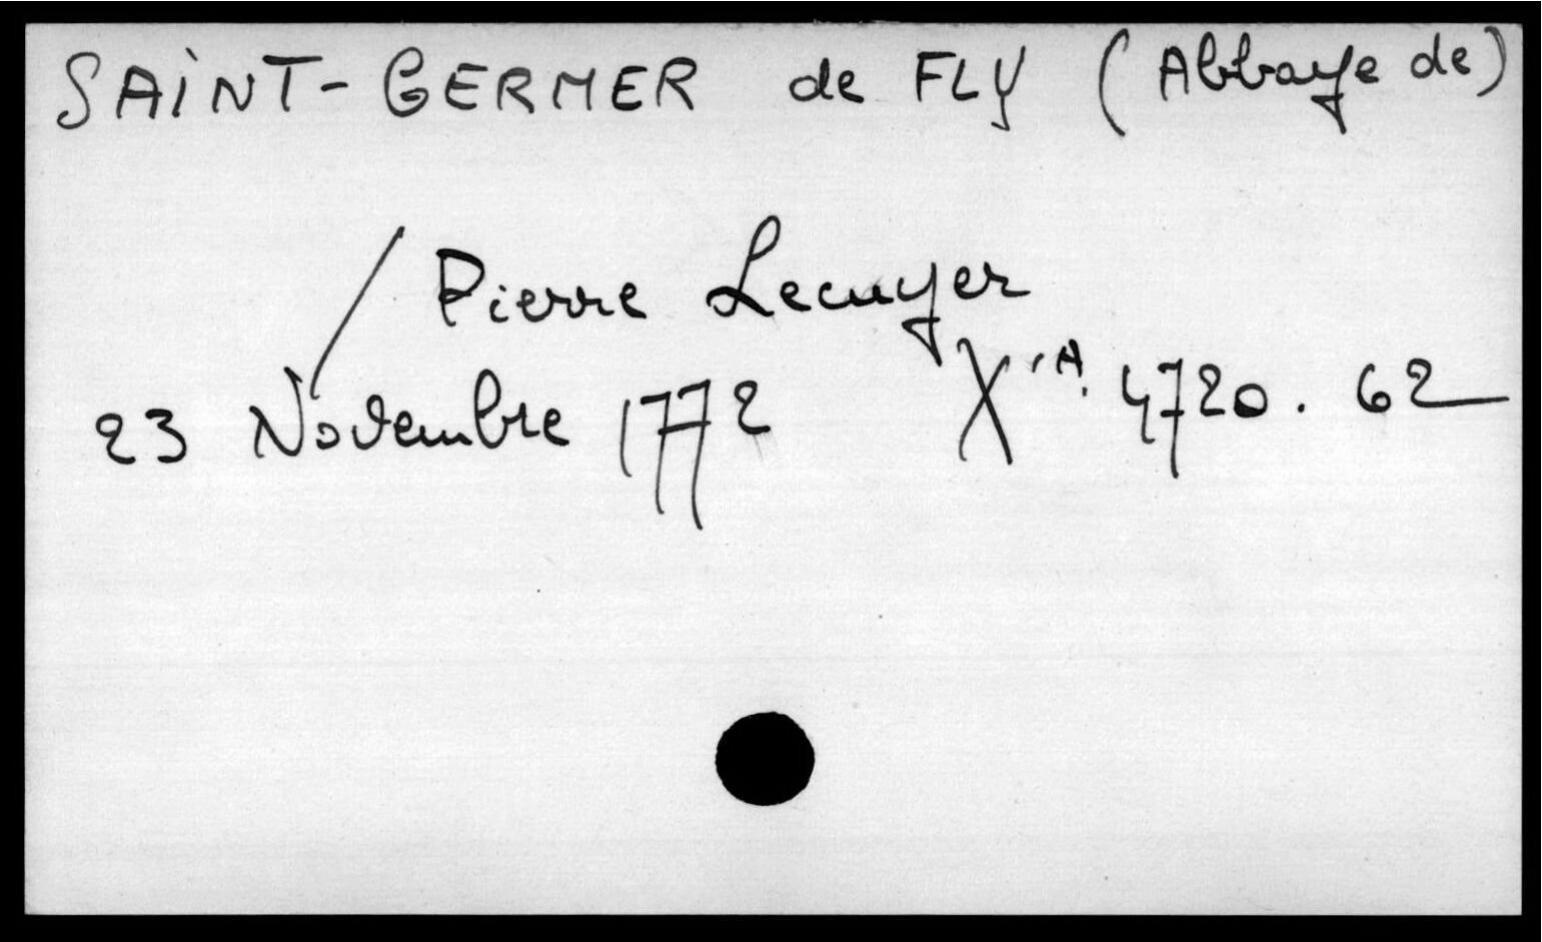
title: SAINT-GERMER de FLY (Abbaye de)
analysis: Contre Pierre Lecuyer
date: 23 novembre 1772
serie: X1A
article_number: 4720
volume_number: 62
